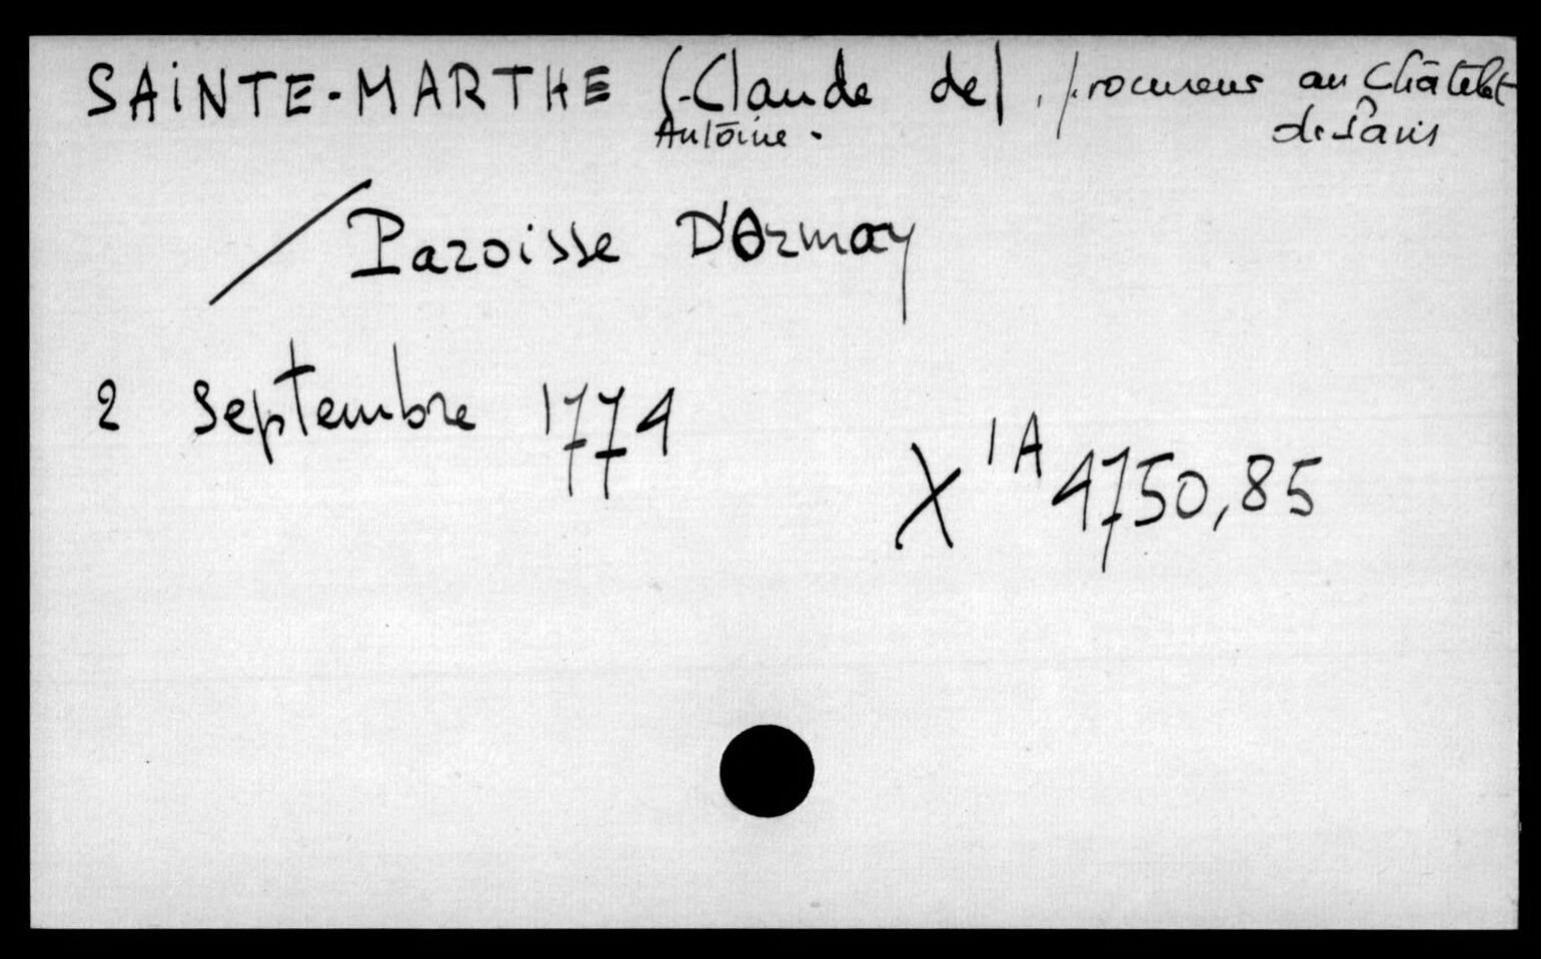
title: SAINTE-MARTHE (Antoine-Claude de), procureur au châtelet de Paris
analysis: Contre Paroisse D' Ormoy
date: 2 septembre 1774
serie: X1A
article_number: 4750
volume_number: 85
